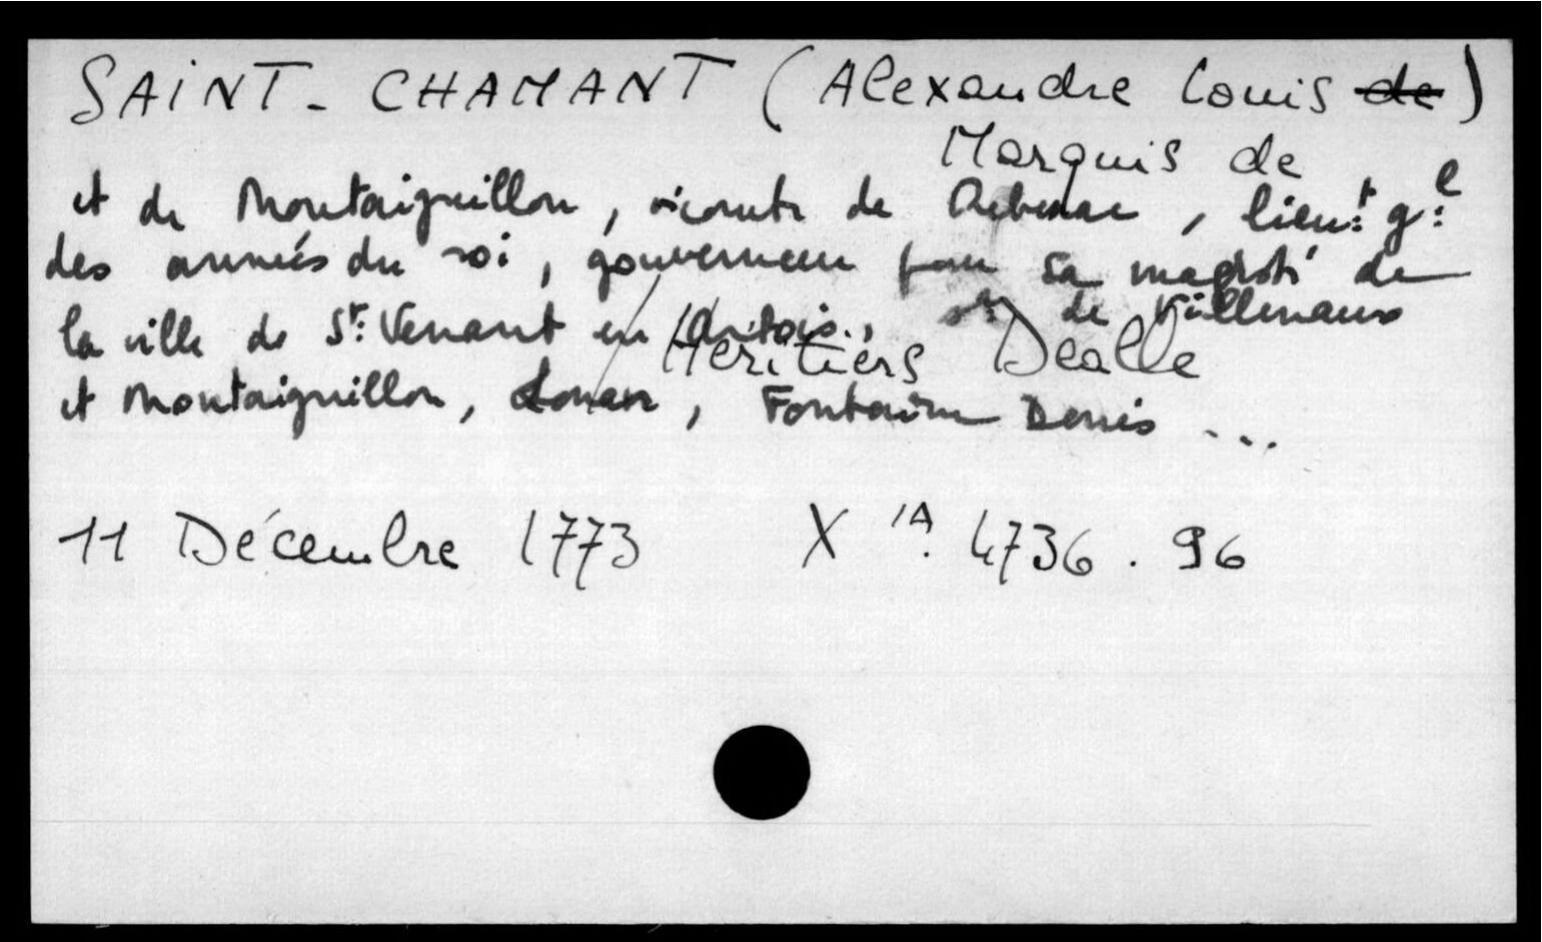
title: SAINT-CHAMANT (Alexandre Louis marquis de) et de Montaiguillon, vicomte de Aubenac, lieutenant général des armées du roi, gouverneur pour sa majesté de la ville de Saint-Venant en Artois et de Villenaux et Montaiguillon , Louen, Fontaine Denis...
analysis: Contre Héritiers Dealle
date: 11 décembre 1773
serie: X1A
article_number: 4736
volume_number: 96
